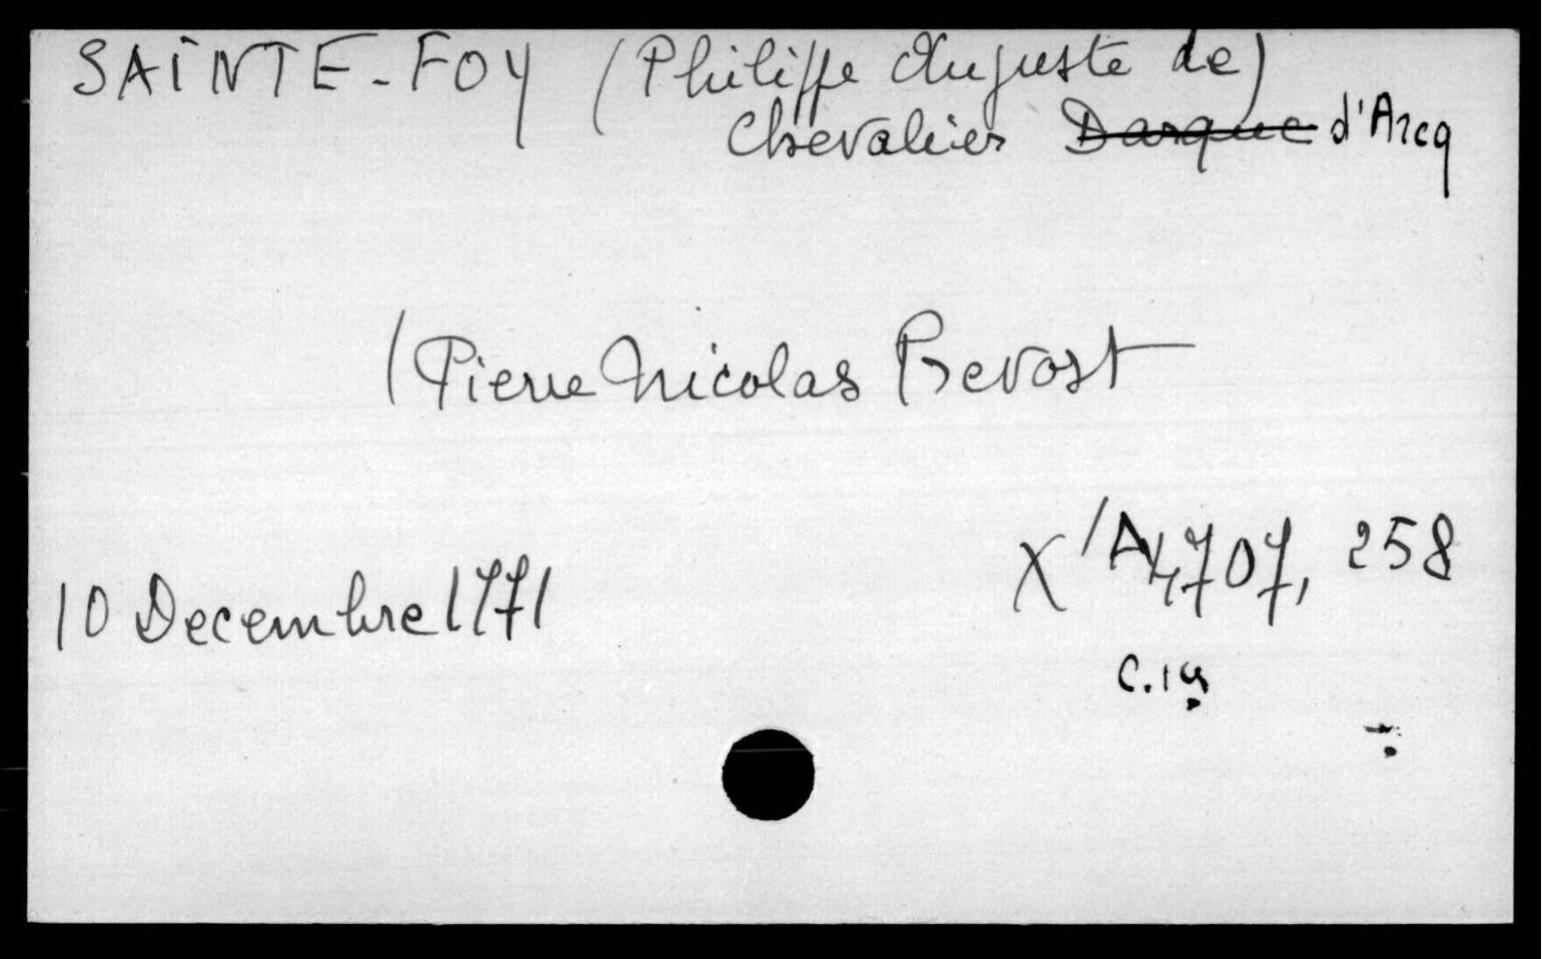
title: SAINTE-FOY (Philippe Auguste de) chevalier d'Arcq
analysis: Contre Pierre Nicolas Prevost
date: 10 décembre 1771
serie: X1A
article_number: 4707
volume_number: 258 Conseil 14
